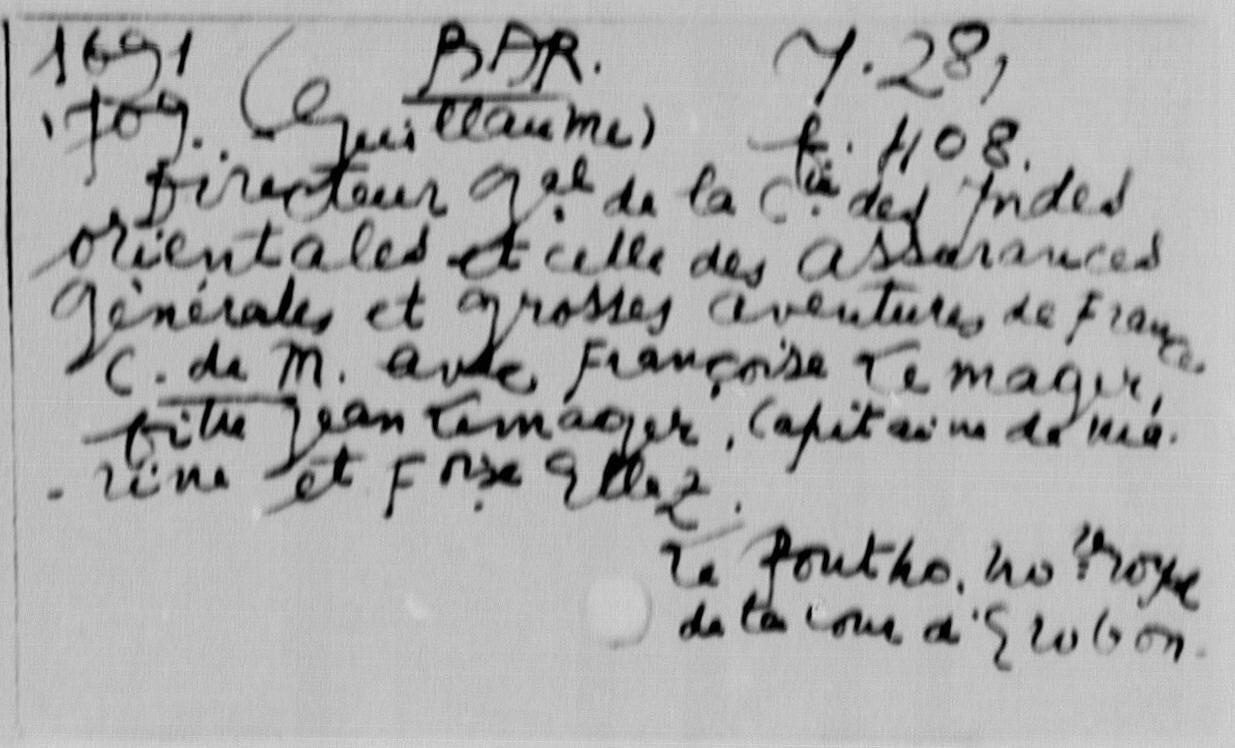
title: BAR (Guillaume)
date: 1691-1709
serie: Y
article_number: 281
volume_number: folio 408
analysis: Directeur général de la compagnie des Indes orientales et celle des assurances de France Générales et Grosses aventures de France Contrat de mariage avec Françoise LEMAGER, fille Jean LEMAGER, capitaine de marine et Françoiss ÉLlLz. Le Poutho, notaire royal de la cour d'Erobon
